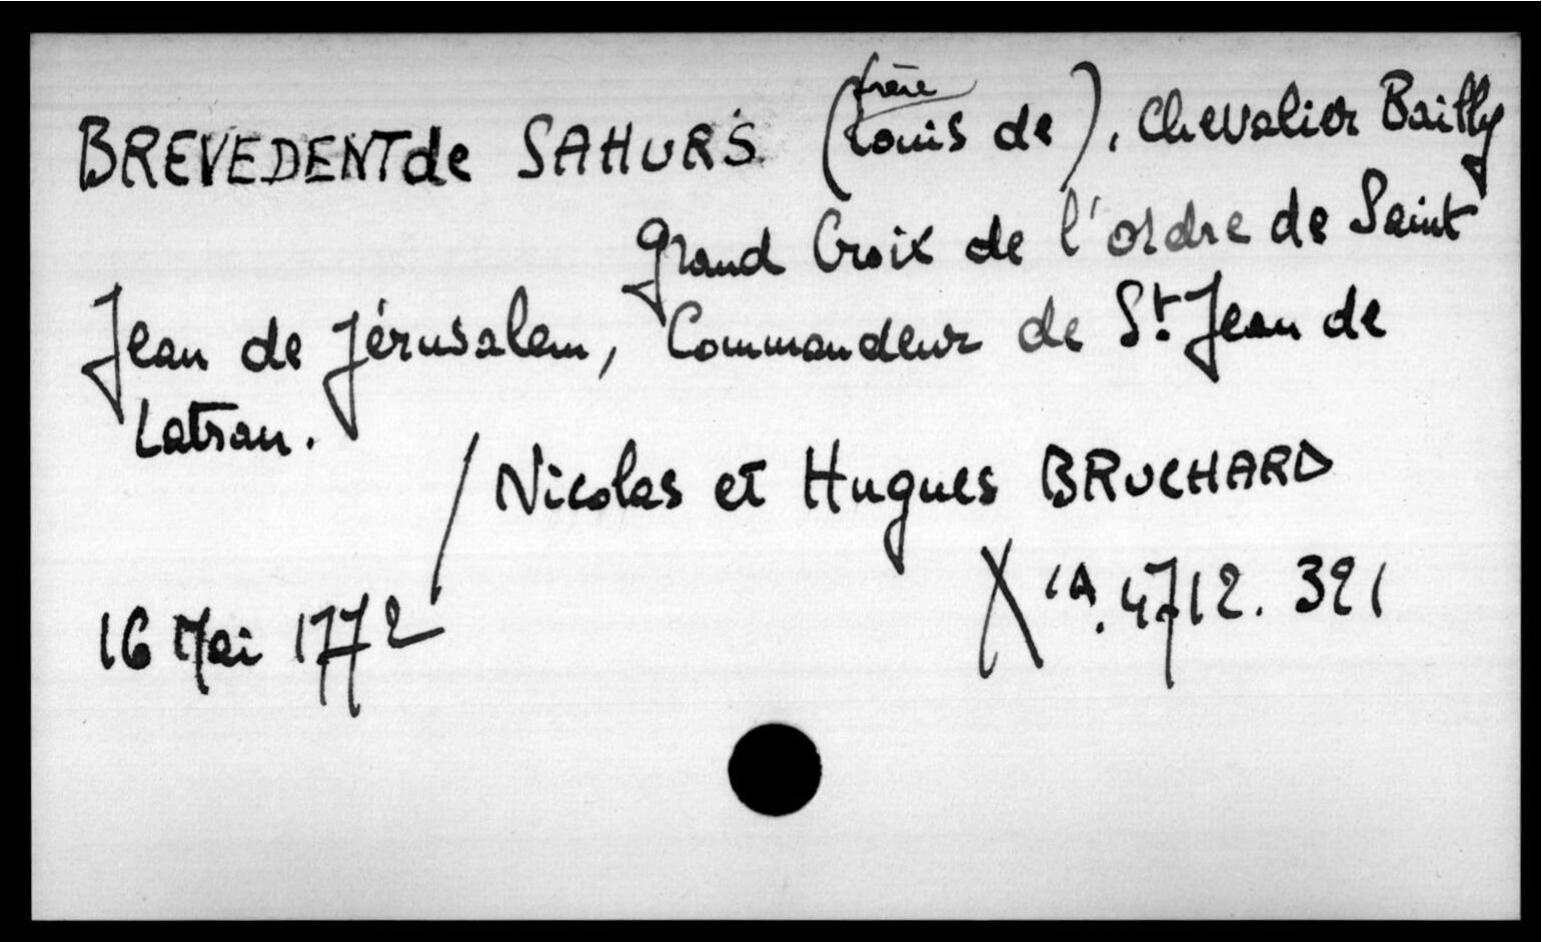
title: BREVEDENT de SAHURS (Louis de), chevalier Bailly grand croix de l'ordre de Saint-Jean de Jérusalem, commandeur de Saint-Jean de Latran-
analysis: Contre Nicolas et Hugues BRUCHARD
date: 16 mai 1772
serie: X1A
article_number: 4712
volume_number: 321
